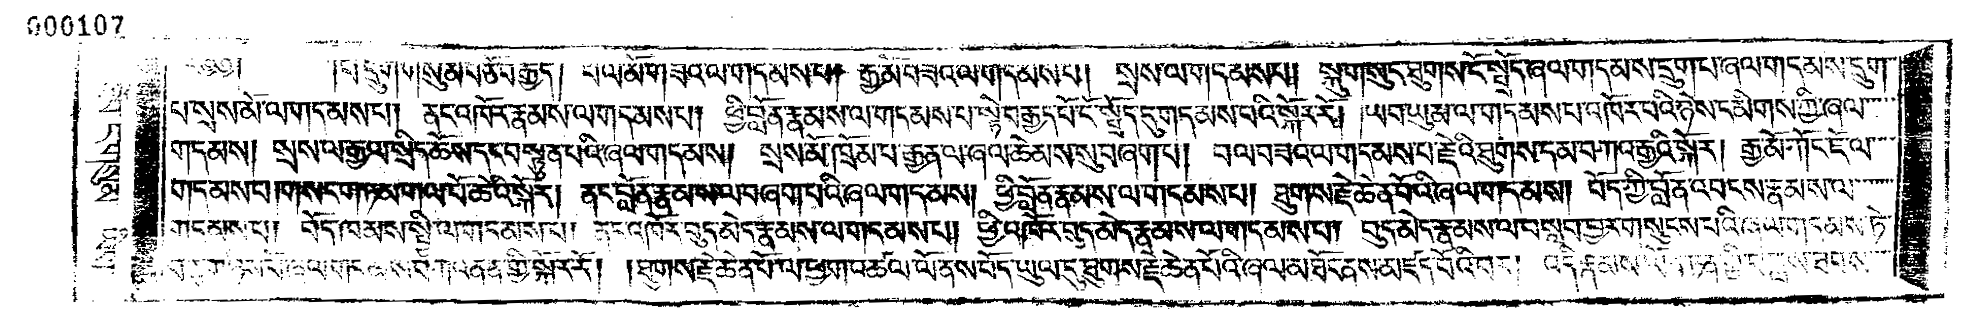༄༅། །པ་དྲུག་གསུམ་བཅོ་བརྒྱད། བལ་མོ་གཟའ་ལ་གདམས་པ། རྒྱ་མོ་བཟའ་ལ་གདམས་པ། སྲས་ལ་གདམས་པ། སྐུ་གསུང་ཐུགས་ངོ་སྤྲོད་ཞལ་གདམས་དྲུག་པ་ཞལ་གདམས་དྲུག་
པ་སྲས་མོ་ལ་གདམས་པ། ནང་འཁོར་རྣམས་ལ་གདམས་པ། ཕྱི་བློན་རྣམས་ལ་གདམས་པ་སྟེ་བརྒྱད་པོ་ངོ་སྤྲོད་དུ་གདམས་པའི་སྐོར་རོ། །ཡབ་ཡུམ་ལ་གདམས་པ་འཁོར་བའི་ཉེས་དམིགས་ཀྱི་ཞལ་གདམས། སྲས་ལ་རྒྱལ་སྲིད་ཆོས་དང་བསྟུན་པའི་ཞལ་གདམས། སྲས་མོ་ཁྲོམ་པ་རྒྱན་ལ་ཞལ་ཆེམས་སུ་བཞག་པ། བལ་བཟའ་ལ་གདམས་པ་རྗེའི་ཐུགས་དམ་བཀའ་རྒྱའི་སྐོར། རྒྱ་མོ་ཀོང་ཇོ་ལ་
གདམས་པ། གསང་གཏམ་གལ་པོ་ཆེའི་སྐོར། ནང་བློན་རྣམས་ལ་བཞག་པའི་ཞལ་གདམས། ཕྱི་བློན་རྣམས་ལ་གདམས་པ། ཐུགས་རྗེ་ཆེན་པོའི་ཞལ་གདམས། བོད་ཀྱི་བློན་འབངས་རྣམས་ལ་
གདམས་པ། བོད་ཁམས་སྤྱི་ལ་གདམས་པ། ནང་འཁོར་བུད་མེད་རྣམས་ལ་གདམས་པ། ཕྱི་འཁོར་བུད་མེད་རྣམས་ལ་གདམས་པ། བུད་མེད་རྣམས་ལ་བསླབ་བྱར་གསུངས་པའི་ཞལ་གདམས་ཏེ་
བཅུ་གཉིས་པོ་ཞལ་གདམས་བཀའ་ནན་གྱི་སྐོར་རོ། །ཐུགས་རྗེ་ཆེན་པོ་ལ་ཕྱག་འཚལ་ལོ་ནས་བོད་ཡུལ་དུ་ཐུགས་རྗེ་ཆེན་པོའི་ཞལ་མཐོང་ནས་མཛད་བོའི་བར། འདི་རྣམས་ཡོན་ཏན་གྱི་བཟླས་ཐབས་